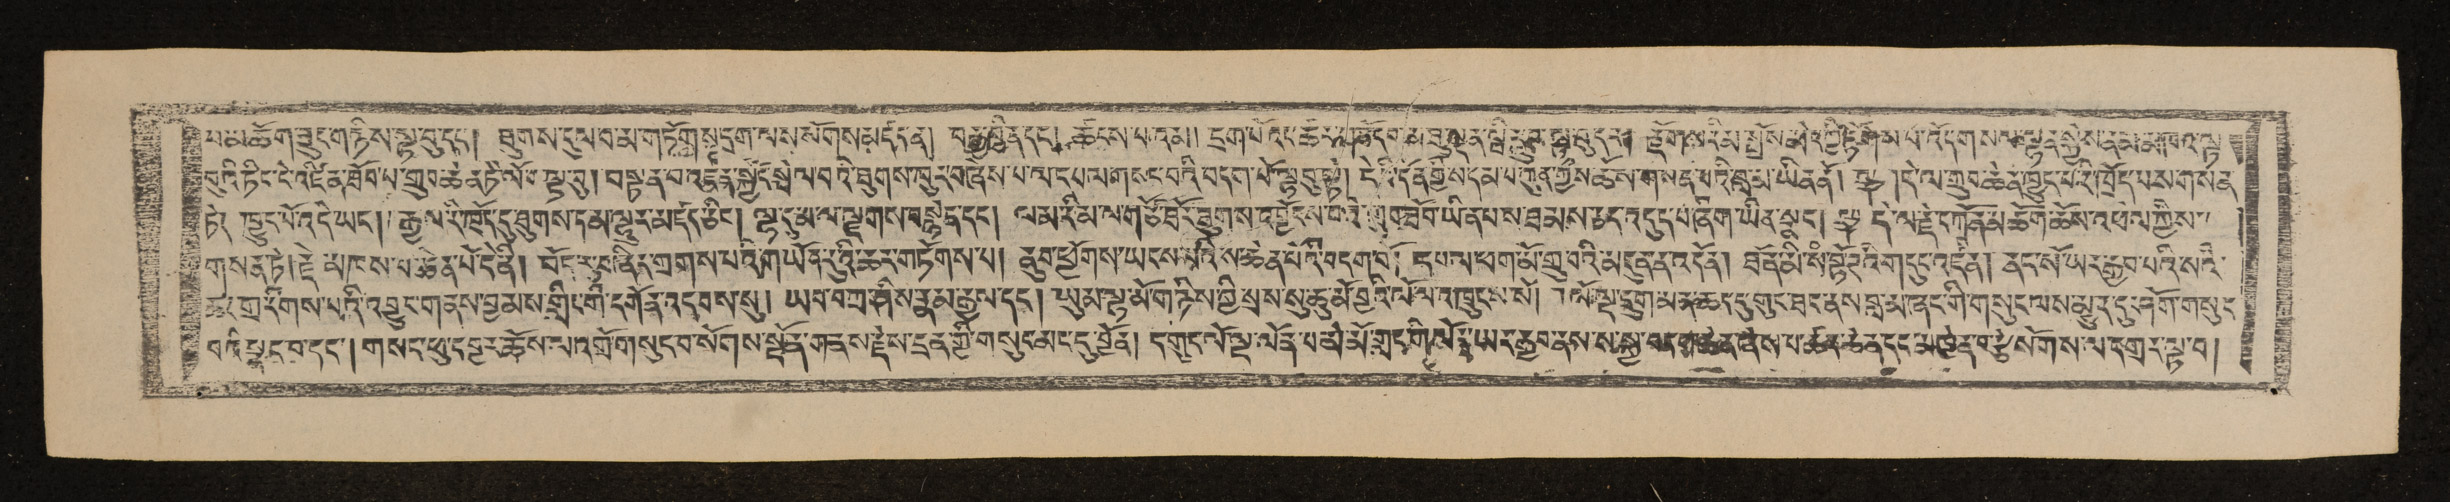པ་མཆོག་གཟུང་གཉིས་ལྟ་བུ་དང་། ཐུགས་དུལ་བ་མ་གཏོགས་དྲག་ལས་སོགས་མཛད་ན། བརྒྱ་བྱིན་དང་། ཚངས་པ་འམ། དྲག་པོའང་ཚར་གཅོད་པ་མཐུ་ལྡན་ཝི་རཱུ་བ་ལྟ་བུ་དང་། རྫོགས་རིམ་སྤྲོས་མེད་ཀྱི་རྟོགས་པ་འོད་གསལ་ལྷན་སྐྱེས་ནམ་མཁའ་ལྟ་
བུའི་ཏིང་ངེ་འཛིན་ཐོབ་པ་གྲུབ་ཆེན་ཏཻ་ལོ་བ་ལྟ་བུ། བསྟན་པ་འཛིན་སྐྱོང་སྤེལ་བའི་ཐུགས་ཁུར་བཞེས་པ་ལ་དཔལ་གསང་བའི་བདག་པོ་ལྟ་བུ་སྟེ། དེའི་དོན་གྱིས་དམ་པ་ཀུན་གྱིས་ཆོས་གསན་པའི་བླ་མ་ཡིན་ནོ། ༈ །དེ་ལ་གྲུབ་ཆེན་ཁྱུང་པོ་རི་ཁྲོད་པས་གསན་
ཏེ༑ ཁྱུང་པོ་འདི་ཡང་། རྒྱལ་རི་ཁྲོད་དུ་ཐུགས་དམ་ལྷུར་མཛད་ཅིང་། ལྷ་དུ་མ་ལ་ལྗགས་བསྙེན་དང་། ལམ་རིམ་ལ་གཙོ་བོར་ཐུགས་འབྱོངས་པའི་གྲུབ་ཐོབ་ཡིན་པས་ཐམས་ཅད་འདུད་པ་ཞིག་ཡིན་སྣང་། ༈ དེ་ལ་རྗེ་དཀོན་མཆོག་ཆོས་འཕེལ་ཀྱིས་
གསན་ཏེ། རྗེ་མཁས་པ་ཆེན་པོ་དེ་ནི། བོད་རུ་བཞིར་གྲགས་པའི་གཡོན་རུའི་ཆར་གཏོགས་པ། ནུབ་ཕྱོགས་ཡངས་པའི་ས་ཆེན་པོའི་བདག་པོ། དཔལ་ཕག་མོ་གྲུ་བའི་མདུན་ན་འདོན། ཐོན་མི་སཾ་བྷོ་ཊའི་གདུང་འཛིན། ནང་སོ་ཡར་རྒྱབ་པའི་སའི་
ཆ༑ གྲ་རིགས་པའི་འབྱུང་གནས་བྱམས་གླིང་གི་དགོན་འདབས་སུ། ཡབ་བཀྲ་ཤིས་རྣམ་རྒྱལ་དང་། ཡུམ་ལྷ་མོ་གཉིས་ཀྱི་སྲས་སུ་ཆུ་མོ་བྱའི་ལོ་ལ་འཁྲུངས་སོ། །ལོ་ལྔ་དྲུག་མན་ཆད་དུ་གུང་ཐང་ནས་བླ་མ་ཞང་གི་གསུང་ལས་མྱུར་དུ་ཤོག་གསུང་
པའི་སྣང་བ་དང་། གསང་ཕུ་དབྱར་ཆོས་ལ་འགྲོ་གསུང་བ་སོགས་སྔོན་གནས་རྗེས་དྲན་གྱི་གསུང་མང་དུ་བྱོན། དགུང་ལོ་ལྔ་ལོན་པ་མེ་མོ་གླང་གི་ལོར་ཡར་རྒྱབ་ནས་ས་སྐྱ་བདག་ཆེན་ཞེས་པ་ཚར་ཆེན་དང་མཁྱེན་བརྩེ་སོགས་ལ་དགྲར་ལྟ་བ།